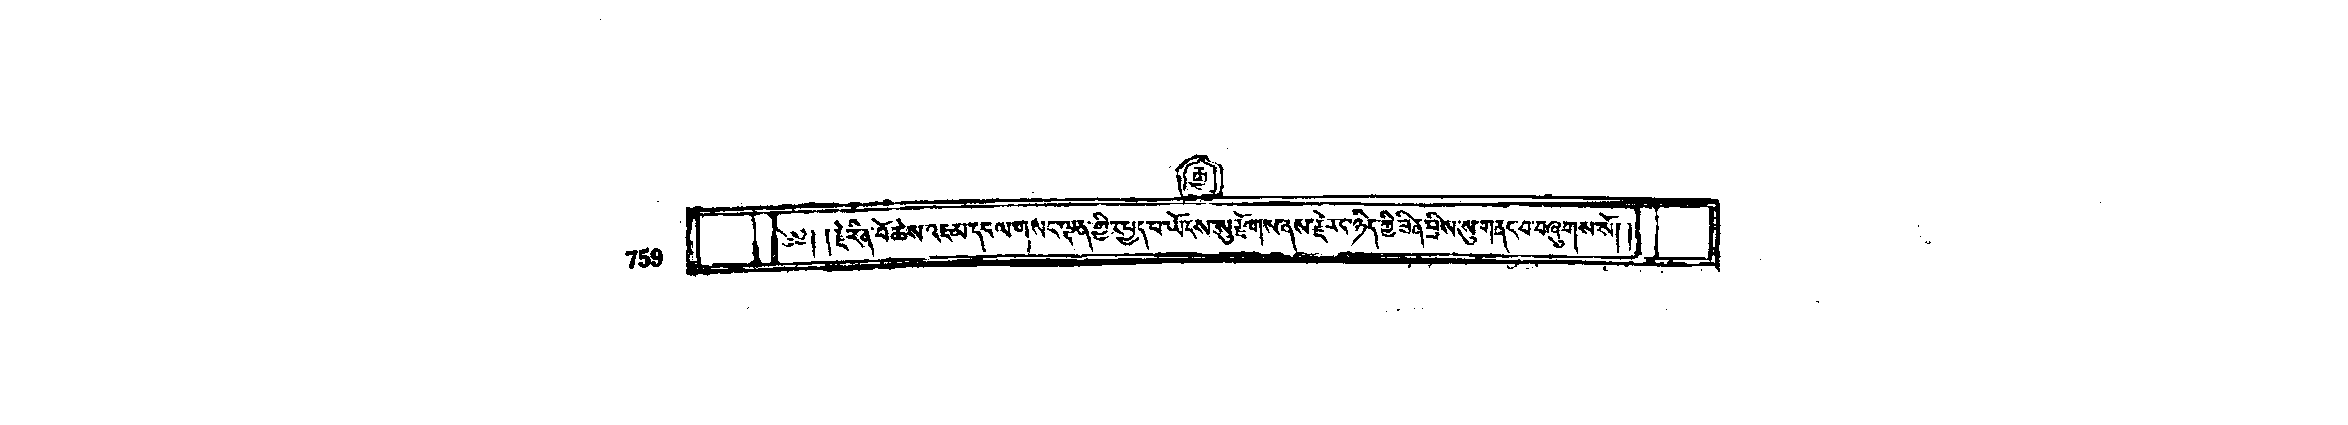༄༅། །རྗེ་རིན་པོ་ཆེས་འཇམ་དཔལ་གསོང་ལྡན་གྱི་དཔྱད་བ་ཡོངས་སུ་རྫོགས་ནས་རྗེ་རང་ཉིད་ཀྱི་ཟིན་བྲིས་སུ་གནང་བ་བཞུགས་སོ། །